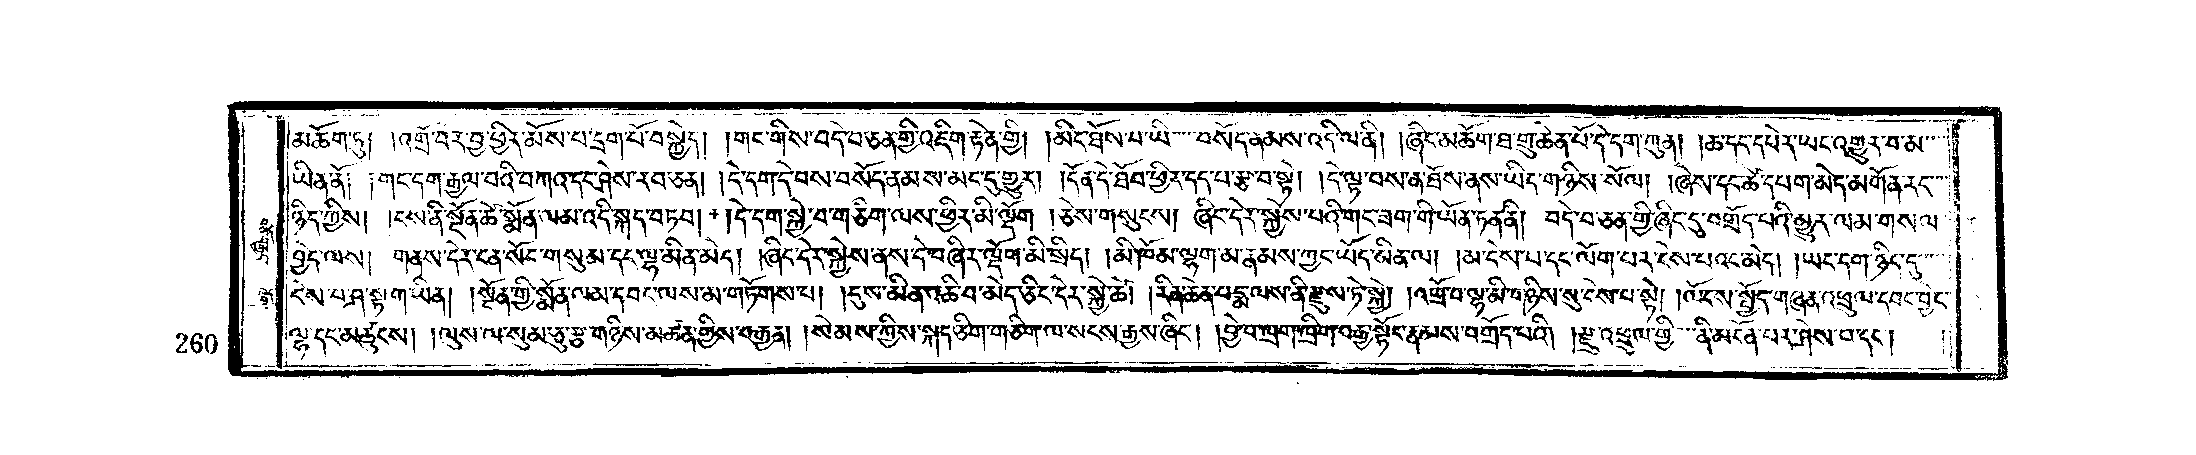མཆོག་ཏུ། །འགྲོ་བར་བྱ་ཕྱིར་མོས་པ་དྲག་པོ་བསྐྱེད། །གང་གིས་བདེ་བ་ཅན་གྱི་འཇིག་རྟེན་གྱི། །མིང་ཐོས་པ་ཡི་བསོད་ནམས་འདི་ལ་ནི། །ཞིང་མཆོག་ཐ་གྲུ་ཆེན་པོ་དེ་དག་ཀུན། །ཆ་དང་དཔེར་ཡང་འགྱུར་བ་མ་
ཡིན་ནོ། །གང་དག་རྒྱལ་བའི་བཀའ་དང་ཤེས་རབ་ཅན། །དེ་དག་དེ་བས་བསོད་ནམས་མང་དུ་གྱུར། །དོན་དེ་ཐོབ་ཕྱིར་དད་པ་རྩ་བ་སྟེ། །དེ་ལྟ་བས་ན་ཐོས་ནས་ཡིད་གཉིས་སོལ། །ཞེས་དང་ཚེ་དཔག་མེད་མགོན་རང་
ཉིད་ཀྱིས། །ངས་ནི་སྔོན་ཚེ་སྨོན་ལ་འདི་སྐད་བཏབ། །དེ་དག་སྐྱེ་བ་གཅིག་ལས་ཕྱིར་མི་ལྡོག །ཅེས་གསུངས། ཞིང་དེར་སྐྱེས་པའི་གང་ཟག་གི་ཡོན་ཏན་ནི། བདེ་བ་ཅན་གྱི་ཞིང་དུ་བགྲོད་པའི་མྱུར་ལམ་གསལ་
བྱེད་ལས། གནས་དེར་ངན་སོང་གསུམ་དང་ལྷ་མིན་མེད། །ཞིང་དེར་སྐྱེས་ནས་དེ་བཞིར་ལྡོག་མི་སྲིད། །མི་ཁོམ་ལྷག་མ་རྣམས་ཀྱང་ཡོད་མིན་ལ། །མ་ངེས་པ་དང་ལོག་པར་ངེས་པའང་མེད། །ཡང་དག་ཉིད་དུ་
ངེས་པ་ཤ་སྟག་ཡིན། །སྔོན་གྱི་སྨོན་ལམ་དབང་ལས་མ་གཏོགས་པ། །དུས་མིན་འཆི་བ་མེད་ཅིང་དེར་སྐྱེ་ཚེ། །རིན་ཆེན་པདམ་ལས་ནི་རྫུས་ཏེ་སྐྱེ། །འགྲོ་བ་ལྷ་མི་གཉིས་སུ་ངེས་པ་སྟེ། །ལོངས་སྤྱོད་གཞན་འཕྲུལ་དབང་བྱེད་
ལྷ་དང་མཚུངས། །ལུས་ལ་སུམ་ཅུ་རྩ་གཉིས་མཚན་གྱིས་བརྒྱན། །སེམས་ཀྱིས་སྐད་ཅིག་གཅིག་ལ་སངས་རྒྱས་ཞིང་། །བྱེ་བ་ཁྲག་ཁྲིག་བརྒྱ་སྟོང་རྣམས་བགྲོད་པའི། །རྫུ་འཕྲུལ་གྱི་ནི་མངོན་པར་ཤེས་པ་དང་